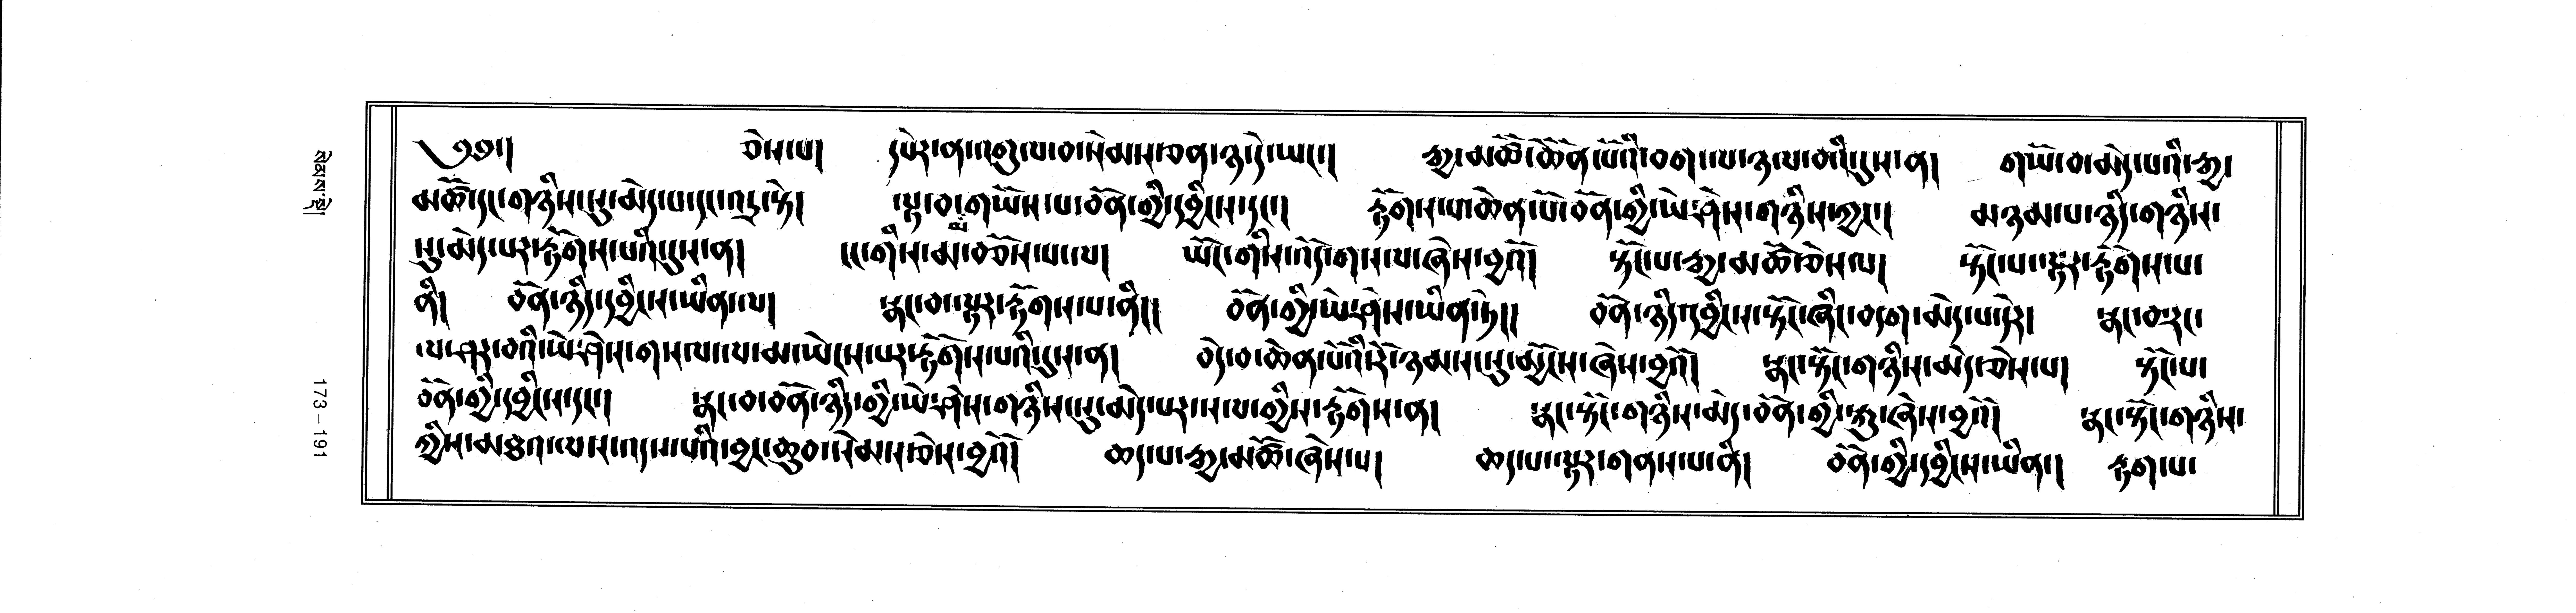ཅེས་པ། དཔེར་ན་འགུལ་བ་སེམས་ཅན་ཉ་དེ་ཡང་། རྒྱ་མཚོ་ཆེན་པོའི་བག་ལ་ཉལ་བའི་དུས་ན། གཡོ་བ་མེད་པའི་རྒྱ་
མཚོ་དང་གཉིས་སུ་མེད་པ་དང་འདྲ་སྟེ། ལྟ་བ་མ་གཡོས་པ་བོན་གྱི་དབྱིངས་དང་། རྟོགས་པ་ཆེན་པོ་བོན་གྱི་ཡེ་ཤེས་གཉིས་ཀྱང་། མཉམ་པ་ཉིད་གཉིས་
སུ་མེད་པར་རྟོགས་པའི་དུས་ན། ངང་གིས་མ་བཅོས་པ་ལ་ཡོང་གིས་འོད་གསལ་ཞེས་བྱའོ། །སྟོང་པ་རྒྱ་མཚོ་ཅེས་པ། སྟོང་པ་ལྟར་རྟོགས་པ་
ནི། བོན་ཉིད་དབྱིངས་ཡིན་ལ། སྣང་བ་ལྟར་རྟོགས་པ་ནི། བོན་གྱི་ཡེ་ཤེས་ཡིན་ཏེ། བོན་ཉིད་དབྱིངས་སྟོང་ཞིང་བདག་མེད་པ་དེར་སྣང་བ་རང་
ལ་ཤར་བའི་ཡེ་ཤེས་གསལ་ལ་མ་ཡེངས་པར་རྟོགས་པའི་དུས་ན། བདེ་བ་ཆེན་པོའི་རོ་ཉམས་སུ་མྱོང་ཞེས་བྱའོ། །སྣང་སྟོང་གཉིས་མེད་ཅེས་པ། སྟོང་པ་
བོན་གྱི་དབྱིངས་དང་། སྣང་བ་བོན་ཉིད་ཀྱི་ཡེ་ཤེས་གཉིས་སུ་མེད་པར་སལ་གྱི་རྟོགས་ན། སྣང་སྟོང་གཉིས་མེད་བོན་གྱི་སྐུ་ཞེས་བྱའོ། །སྣང་སྟོང་གཉིས་
ཀྱི་མཐའ་ལས་འདས་པའི་བྱང་ཆུབ་སེམས་ཅེས་བྱའོ། །ཆད་པ་རྒྱ་མཚོ་ཞེས་པ། ཆད་པ་ལྟར་གནས་པ་ནི། བོན་གྱི་དབྱིངས་ཡིན། རྟག་པ་